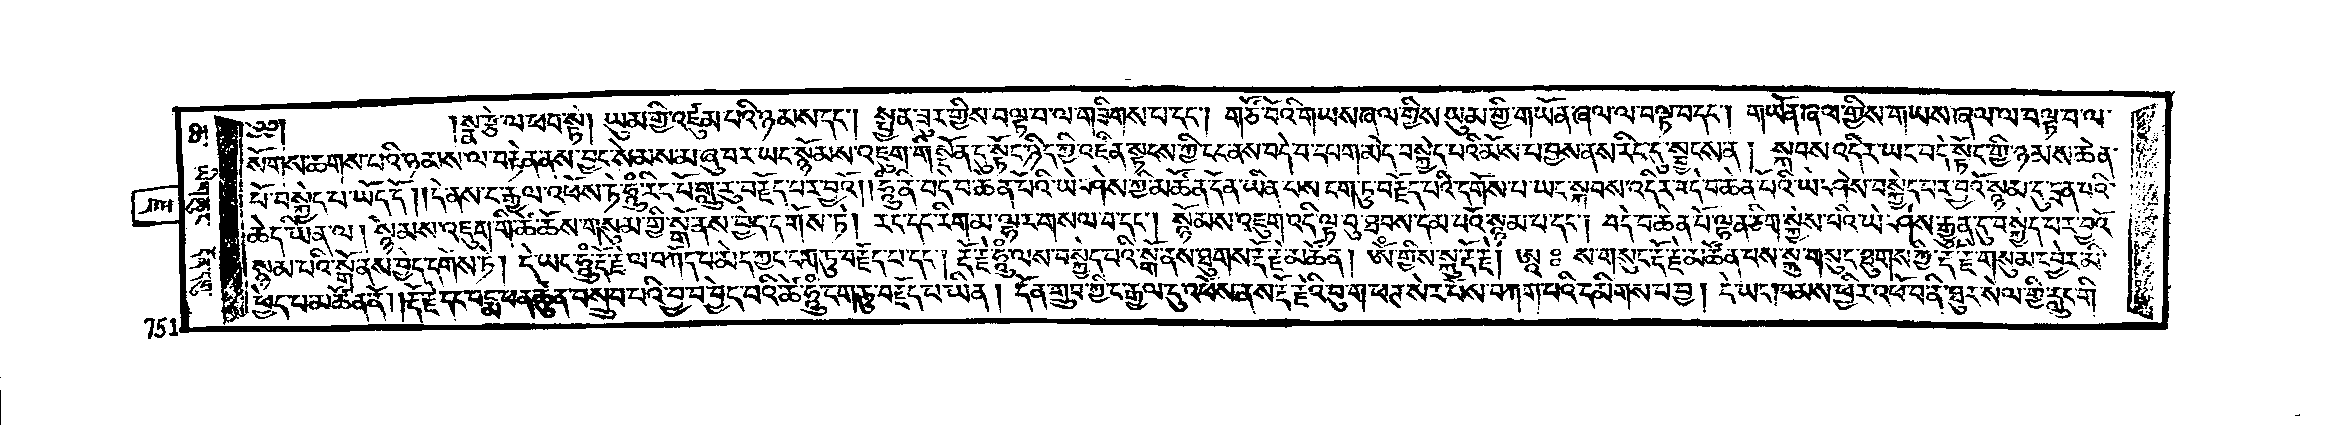༄༅། །སྣ་རྩེ་ལ་ཕབ་སྟེ། ཡུམ་གྱི་འཛུམ་པའི་ཉམས་དང་། སྤྱན་ཟུར་གྱིས་བལྟ་བ་ལ་གཟིགས་པ་དང་། གཙོ་བོའི་གཡས་ཞལ་གྱིས་ཡུམ་གྱི་གཡོན་ཞལ་ལ་བལྟ་བ་དང་། གཡོན་ཞལ་གྱིས་གཡས་ཞལ་ལ་བལྟ་བ་ལ་
སོགས་ཆགས་པའི་ཉམས་ལ་བརྟེན་ནས་བྱང་སེམས་མ་ཞུ་བར་ཡང་སྙོམས་འཇུག་གི་སྔོན་དུ་སྟོང་ཉིད་ཀྱི་འཛིན་སྟངས་ཀྱི་ངང་ནས་བདེ་བ་དཔག་མེད་བསྐྱེད་པའི་མོས་པ་བྱས་ནས་རིང་དུ་སྦྱངས་ན། སྐབས་འདིར་ཡང་བདེ་སྟོང་གྱི་ཉམས་ཆེན་
པོ་བསྐྱེད་པ་ཡོད་དེ། །དེ་ནས་ང་རྒྱལ་འཕོས་ཏེ་ཧཱུཾ་རིང་པོ་གླུ་རུ་བརྗོད་པར་བྱའོ། །ཧཱུཾ་ནི་བདེ་བ་ཆེན་པོའི་ཡེ་ཤེས་ཀྱི་མཚོན་དོན་ཡིན་པས་ངག་ཏུ་བརྗོད་པའི་དགོས་པ་ཡང་སྐབས་འདིར་བདེ་བ་ཆེན་པོའི་ཡེ་ཤེས་བསྐྱེད་པར་བྱའོ་སྙམ་དུ་དྲན་པའི་
ཆེད་ཡིན་ལ། སྙོམས་འཇུག་གི་ཚེ་ཆོས་གསུམ་གྱི་སྒོ་ནས་བྱེད་དགོས་ཏེ། རང་དང་རིག་མ་ལྷར་གསལ་བ་དང་། སྙོམས་འཇུག་འདི་ལྟ་བུ་ཐབས་དམ་པའོ་སྙམ་པ་དང་། བདེ་བ་ཆེན་པོ་ལྷན་ཅིག་སྐྱེས་པའི་ཡེ་ཤེས་རྒྱུན་དུ་བསྐྱེད་པར་བྱའོ་
སྙམ་པའི་སྒོ་ནས་བྱེད་དགོས་ཏེ། དེ་ཡང་ཧཱུཾ་རྡོ་རྗེ་ལ་བཀོད་པ་མེད་ཀྱང་ངག་ཏུ་བརྗོད་པ་དང་། རྡོ་རྗེ་ཧཱུཾ་ལས་བསྐྱེད་པའི་སྒོ་ནས་ཐུགས་རྡོ་རྗེ་མཚོན། ཨོཾ་གྱིས་སྐུ་རྡོ་རྗེ། ཨཱཿ ས་གསུང་རྡོ་རྗེ་མཚོན་པས་སྐུ་གསུང་ཐུགས་ཀྱི་རྡོ་རྗེ་གསུམ་དབྱེར་མི་
ཕྱེད་པ་མཚོན་ནོ། །རྡོ་རྗེ་དང་པདམ་ཕན་ཚུན་བསྲུབ་པའི་བྱ་བ་བྱེད་པའི་ཚེ་ཧཱུཾ་ངག་ཏུ་བརྗོད་པ་ཡིན། དོན་གྲུབ་ཀྱི་ང་རྒྱལ་དུ་འཕོས་ནས་རྡོ་རྗེའི་བུ་ག་ཕཊ་སེར་པོས་བཀག་པའི་དམིགས་པ་བྱ། དེ་ཡང་ཁམས་ཕྱིར་འཕོ་བ་ནི་ཐུར་སེལ་གྱི་རླུང་གི་